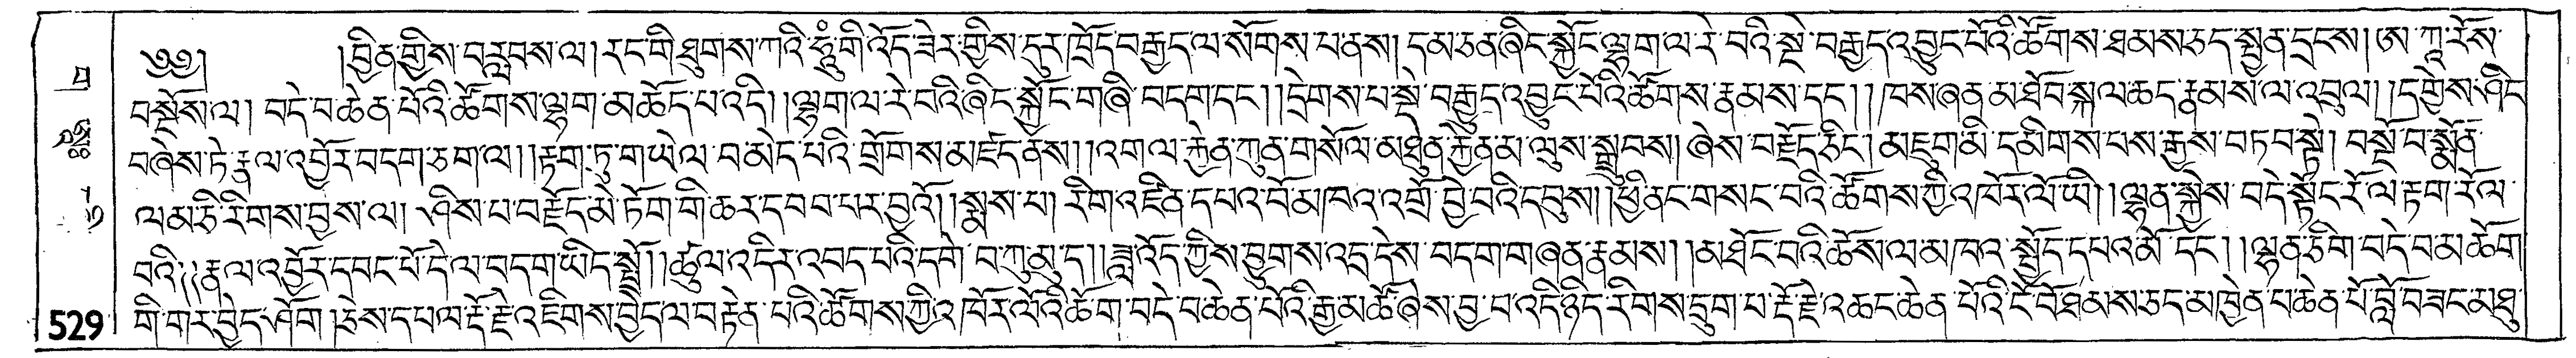༄༅། །བྱིན་གྱིས་བརླབས་ལ། རང་གི་ཐུགས་ཀའི་ཧཱུཾ་གི་འོད་ཟེར་གྱིས་དུར་ཁྲོད་བརྒྱད་ལ་སོགས་པ་ནས། དམ་ཅན་ཞིང་སྐྱོང་ལྷག་ལ་རེ་བའི་སྡེ་བརྒྱད་འབྱུང་པོའི་ཚོགས་ཐམས་ཅད་སྤྱན་དྲངས། ཨ་ཀཱ་རོས་
བསྔོས་ལ། བདེ་བ་ཆེན་པོའི་ཚོགས་ལྷག་མཆོད་པ་འདི། །ལྷག་ལ་རེ་བའི་ཞིང་སྐྱོང་གཞི་བདག་དང་། །དྲེགས་པ་སྡེ་བརྒྱུད་འབྱུང་པོའི་ཚོགས་རྣམས་དང་། །ཁས་ཞན་མ་ཐོབ་སྐལ་ཆད་རྣམས་ལ་འབུལ། །དགྱེས་ཤིང་
བཞེས་ཏེ་རྣལ་འབྱོར་བདག་ཅག་ལ། །རྟག་ཏུ་གཡེལ་བ་མེད་པའི་གྲོགས་མཛད་ནས། །འགལ་རྐྱེན་ཀུན་གསོལ་མཐུན་རྐྱེན་མ་ལུས་སྒྲུབས། ཞེས་བརྗོད་ཅིང་། མཇུག་མི་དམིགས་པས་རྒྱས་བཏབ་སྟེ། བསྔོ་བ་སྨོན་
ལམ་ཅི་རིགས་བྱས་ལ། ཤིས་པ་བརྗོད་མེ་ཏོག་གི་ཆར་དབབ་པར་བྱའོ། །སྨས་པ། རིག་འཛིན་དཔའ་བོ་མཁའ་འགྲོ་བྱེ་བའི་དབུས། །ཕྱི་ནང་གསང་བའི་ཚོགས་ཀྱི་འཁོར་ལོ་ཡི། །ལྷན་སྐྱེས་བདེ་སྟོང་རོ་ལ་རྟག་རོལ་
བའི༑ ༑རྣལ་འབྱོར་དབང་པོ་དེ་ལ་བདག་ཡིད་སྤྲོ། །ཚུལ་འདིར་འབད་པའི་དགེ་བ་ཀུ་མུ་ད། །ཟླ་འོད་ཀྱིས་བྱུགས་འདྲ་དེས་བདག་གཞན་རྣམས། །མཐོང་བའི་ཆོས་ལ་མཁའ་སྤྱོད་དཔའ་མོ་དང་། །ལྷན་ཅིག་བདེ་བ་མཆོག་
གི་གར་བྱེད་ཤོག །ཅེས་དཔལ་རྡོ་རྗེ་འཇིགས་བྱེད་ལ་བརྟེན་པའི་ཚོགས་ཀྱི་འཁོར་ལོའི་ཆོ་ག་བདེ་བ་ཆེན་པོའི་རྒྱ་མཚོ་ཞེས་བྱ་བ་འདི་ཉིད་རིགས་དྲུག་པ་རྡོ་རྗེ་འཆང་ཆེན་པོའི་ངོ་བོ་ཐམས་ཅད་མཁྱེན་པ་ཆེན་པོ་བློ་བཟང་མཐུ་